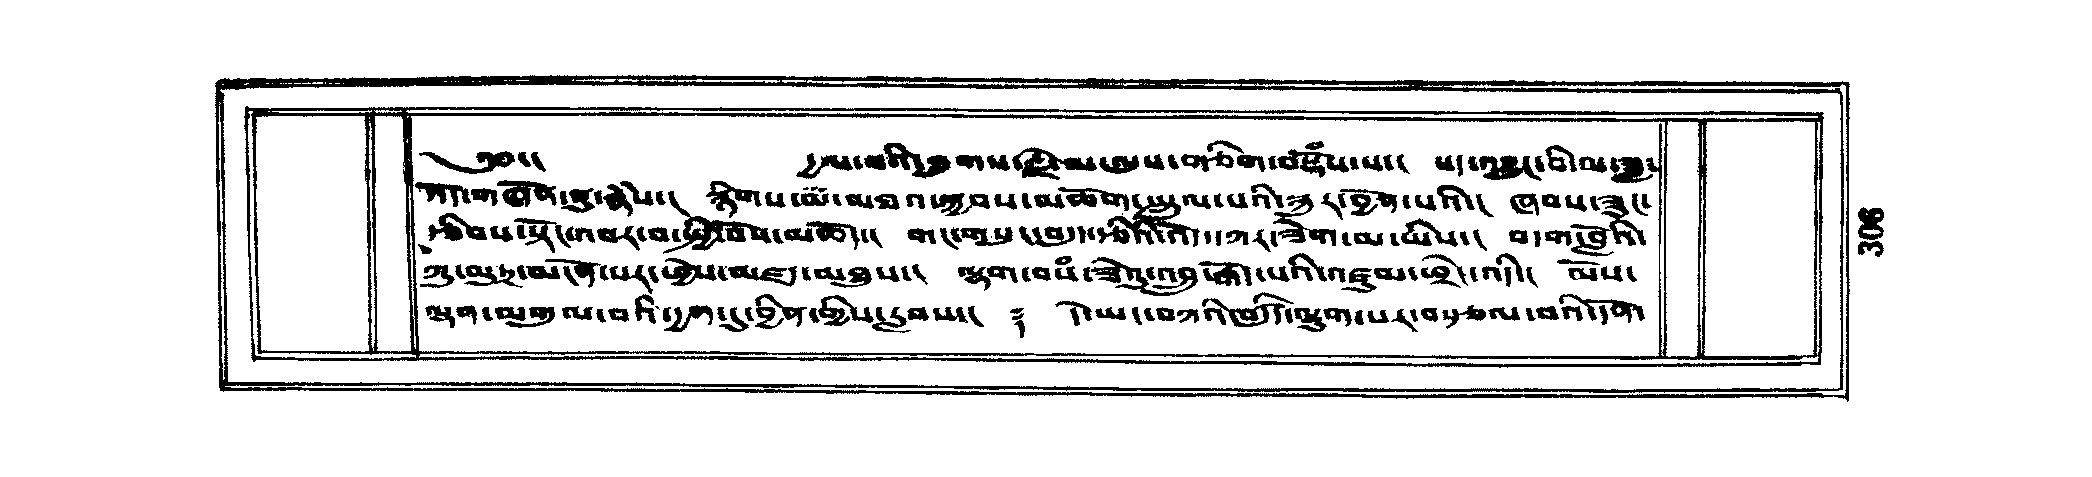རྒྱལ་བའི་ཐུགས་རྗེ་མ་ལུས་གཅིག་བསྡོམས་པ། །པད་འབྱུང་བི་མ་ཟླ་
འོད་གཞོན་ནུ་རྣམས། །སྙིགས་མ་མཐའ་སྐྱབས་མཆོག་སྤྲུལ་པའི་སྐུར་བྱོན་པའི། །ཞབས་ཟུང་
རྩིབས་སྟོང་འབར་བ་སྤྱི་བོས་མཆོད། །གང་གསུང་བདུད་རྩིའི་འོད་དཀར་ཟེག་མ་ཡིས། །བདག་བློའི་
ཀུ་མུཊ་མངོན་པར་ཕྱེས་མཛད་མཐུས། །ལྷག་བསམ་ཟེའུ་འབྲུ་རྒོད་པའི་འཛུམ་ཕྲེང་འདི། །མོས་
ལྡན་མགུལ་བའི་རྒྱན་དུ་བྱིན་གྱིས་རླབས། ། ༈ དེ་ཡང་བཀའི་བདུད་རྩིའི་ལྷུག་པར་སྩལ་བའི་དོན་